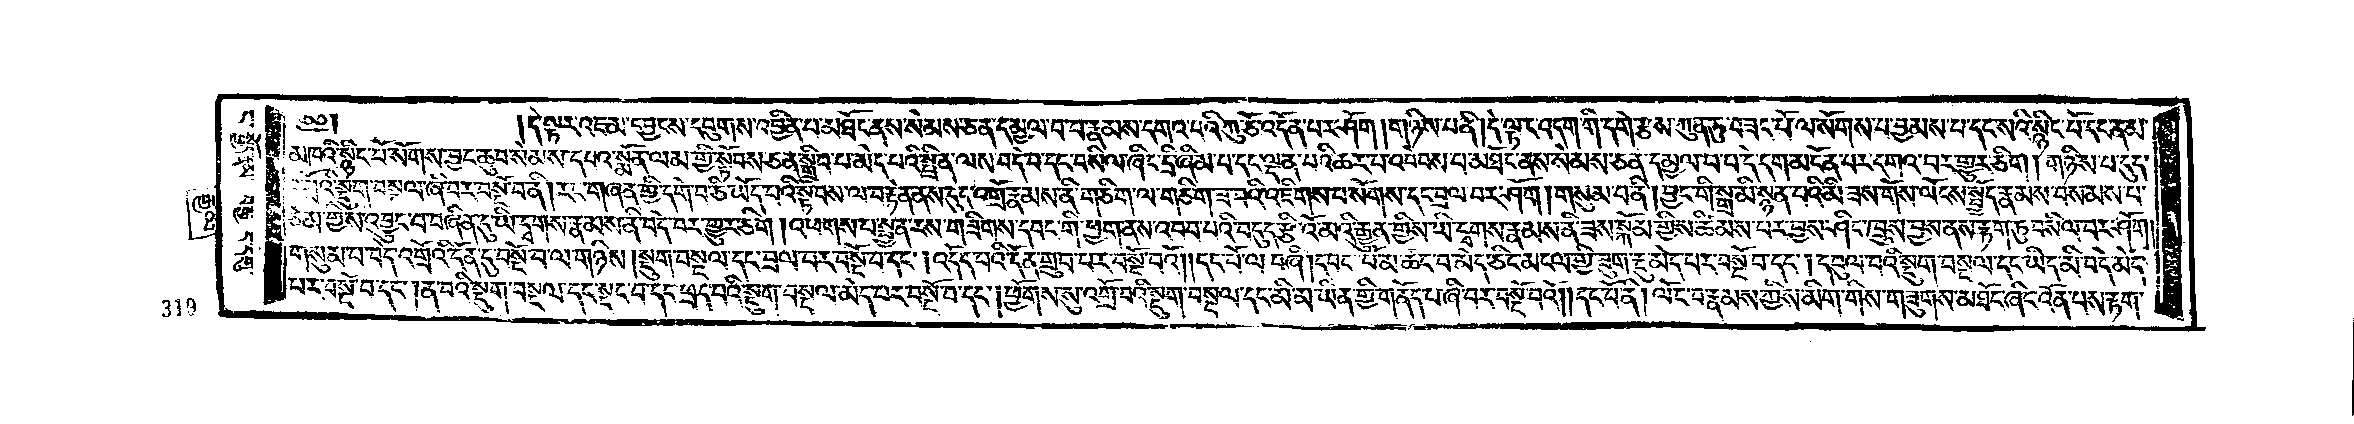༄༅། །དེ་ལྟར་འཇམ་དབྱངས་དབུགས་འབྱིན་པ་མཐོང་ནས་སེམས་ཅན་དམྱལ་བ་པ་རྣམས་དགའ་བའི་ཀུ་ཅོ་འདོན་པར་ཤོག །གཉིས་པ་ནི། དེ་ལྟར་བདག་གི་དགེ་རྩས་ཀུན་ཏུ་བཟང་པོ་ལ་སོགས་པ་བྱམས་པ་དང་སའི་སྙིང་པོ་དང་ནམ་
མཁའི་སྙིང་པོ་སོགས་བྱང་ཆུབ་སེམས་དཔའ་སྨོན་ལམ་གྱི་སྟོབས་ཅན་སྒྲིབ་པ་མེད་པའི་སྒྲིབ་པ་མེད་པའི་སྤྲིན་ལས་བདེ་བ་དང་བསིལ་ཞིང་དྲི་ཞིམ་པ་དང་ལྡན་པའི་ཆར་པ་འབེབས་པ་མཐོང་ནས་སེམས་ཅན་དམྱལ་བ་པ་དེ་དག་མངོན་པར་དགའ་བར་གྱུར་ཅིག །གཉིས་པ་དུད་
འགྲོའི་སྡུག་བསྔལ་ཞི་བར་བསྔོ་བ་ནི། རང་གཞན་གྱི་དགེ་བ་ཅི་ཡོད་པའི་སྟོབས་ལ་བརྟེན་ནས་དུད་འགྲོ་རྣམས་ནི་གཅིག་ལ་གཅིག་ཟ་བའི་འཇིགས་པ་སོགས་དང་བྲལ་བར་ཤོག །གསུམ་པ་ནི། བྱང་གི་སྒྲ་མི་སྙན་པའི་མི་ཟས་གོས་ལོངས་སྤྱོད་རྣམས་བསམས་པ་
ཙམ་གྱིས་འབྱུང་བ་བཞིན་དུ་ཡི་དྭགས་རྣམས་ནི་བདེ་བར་གྱུར་ཅིག །འཕགས་པ་སྤྱན་རས་གཟིགས་དབང་གི་ཕྱག་ནས་འབབ་པའི་བདུད་རྩི་འོ་མའི་རྒྱུན་གྱིས་ཡི་དྭགས་རྣམས་ནི་ཟས་སྐོམ་གྱིས་ཚིམས་པར་བྱས་ཤིང་ཁྲུས་བྱས་ནས་རྟག་ཏུ་བསིལ་བར་ཤོག །
གསུམ་པ་དེ་བདེ་འགྲོའི་དོན་དུ་བསྔོ་བ་ལ་གཉིས། སྡུག་བསྔལ་དང་བྲལ་བར་བསྔོ་བ་དང་། འདོད་པའི་དོན་གྲུབ་པར་བསྔོ་བའོ། །དང་པོ་ལ་བཞི། དབང་པོ་མ་ཚང་བ་མེད་ཅིང་མངལ་གྱི་ཟུག་རྔུ་མེད་པར་བསྔོ་བ་དང་། དབུལ་བའི་སྡུག་བསྔལ་དང་ཡིད་མི་བདེ་མེད་
པར་བསྔོ་བ་དང་། ན་བའི་སྡུག་བསྔལ་དང་སྡང་བ་དང་ཕྲད་པའི་སྡུག་བསྔལ་མེད་པར་བསྔོ་བ་དང་། ཕྱོགས་སུ་འགྲོ་བའི་སྡུག་བསྔལ་དང་མི་མ་ཡིན་གྱི་གནོད་པ་ཞི་བར་བསྔོ་བའོ། །དང་པོ་ནི། ལོང་བ་རྣམས་ཀྱིས་མིག་གིས་གཟུགས་མཐོང་ཞིང་འོན་པས་རྟག་